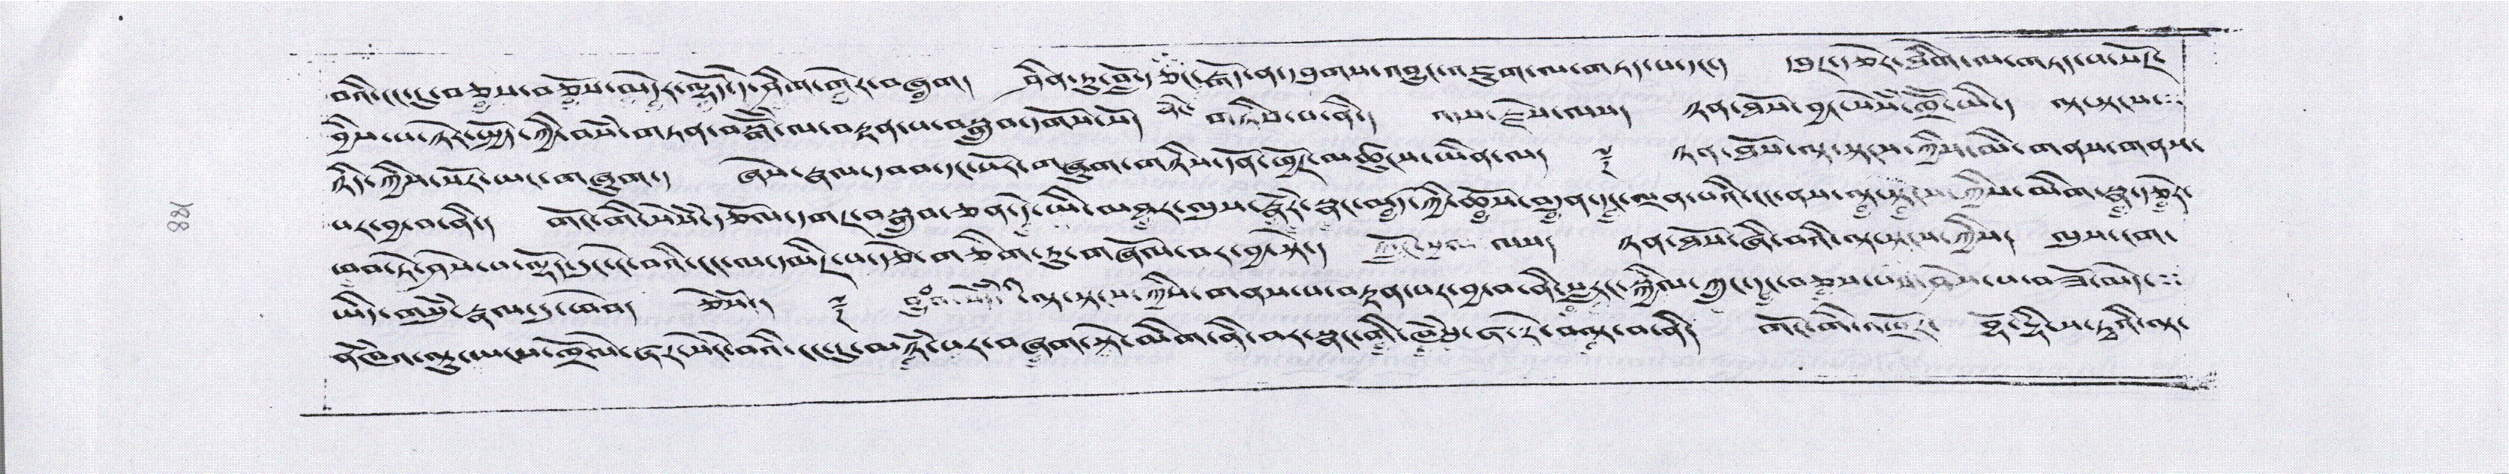བའི་ངང་དུ་བཅས་བཅོས་མེད་པར་ལྷོད་དེ་ཤིག་གེར་བཞག ཤིན་ཏུ་བློ་རྩིང་རྒོད་ན་དབུགས་འབྱུང་འཇུག་ལ་གཏད་པ་དང་། དབུགས་རྩེར་ཐིག་ལེ་ལ་གཏད་པ་སོགས་
ཀྱིས་བྱིས་པ་ཉེར་སྤྱོད་ཀྱི་བསམ་གཏན་བསྒོམ་ལ་བརྟན་པ་བསྒྲུབ་དགོས་སོ། །གཉིས་པ་ནི། འདས་རྗེས་ལས། ཉན་ཐོས་བྱང་སེམས་ཁྲོ་བོ་ཡི། ལྟ་སྟངས་
ཉིད་ཀྱིས་སོར་ཡང་གཞུག ཞེས་རྣལ་དབབ་དང་སོར་གཞུག་གཉིས་ཕྱོགས་མཚུངས་ཡིན་ལ། ཉན་ཐོིས་ལྟ་སྟངས་ཀྱིས་མི་གནས་གནས་
པར་བྱ་བ་ནི། གོང་གི་སེམས་རྩོལ་དགག་སྒྲུབ་ཅན་དེ་ཡི་མཐར་ལུས་རྣམ་པར་སྣང་མཛད་ཀྱི་ཆོས་བདུན་དང་ལྡན་པའི་ངང་ནས་ལྟ་སྟངས་ཀྱིས་མིག་སྣ་རྩེར་

ཕབ་སྟེ་ཤེས་པ་ལྷོད་དུང་ངེ་བའི་ངང་ལ་མཉམ་པར་བཞག་སྟེ་མིག་བར་སྣང་གི་ཁམས་ལ་ཧར་རེ་བལྟ་བ་ནི། གོང་གའི་འཕྲོར། བྷོ་ཏི་ས་ཏྭའི་ལྟ་